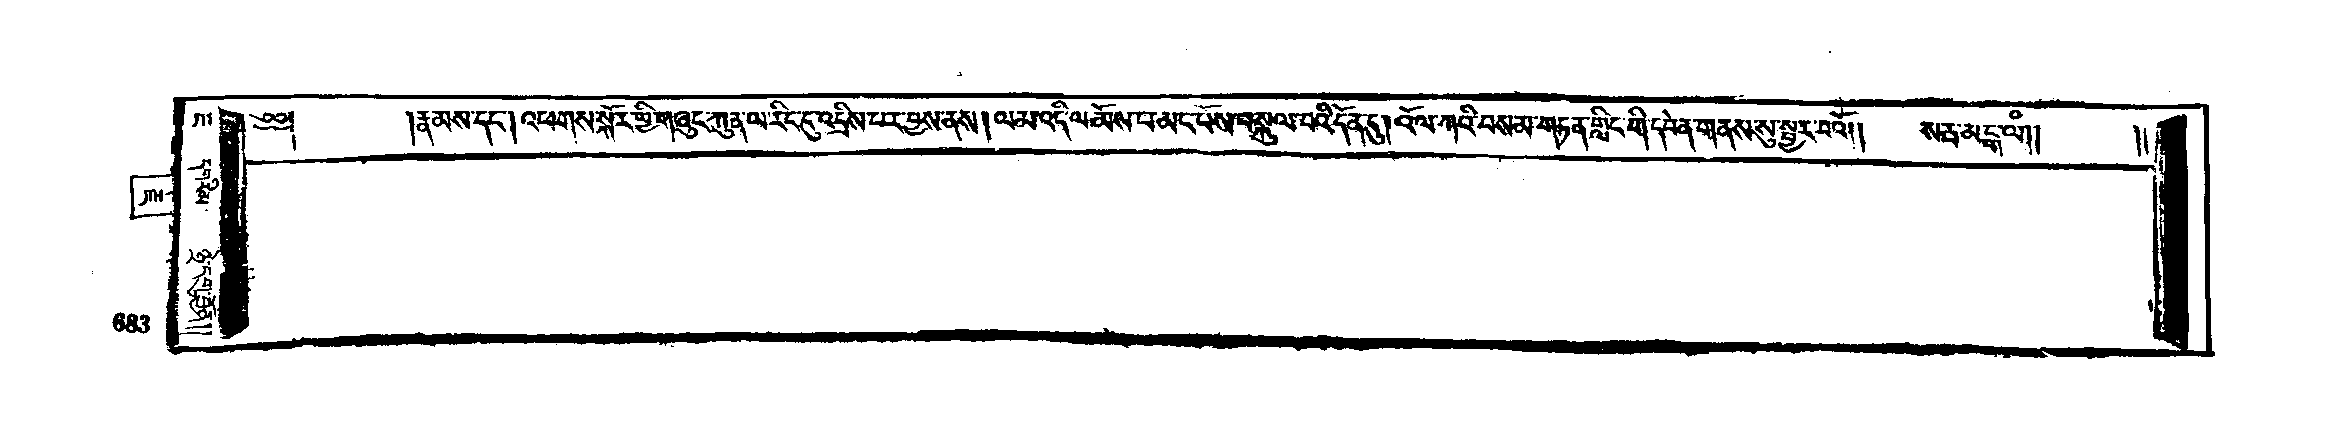༄༅། །རྣམས་དང་། འཕགས་སྐོར་གྱི་གཞུང་ཀུན་ལ་རིང་དུ་འདྲིས་པར་བྱས་ནས། ལམ་འདི་ལ་མོས་པ་མང་པོས་བསྐུལ་བའི་དོན་དུ། འོལ་ཀའི་བསམ་གཏན་གླིང་གི་དབེན་གནས་སུ་སྦྱར་བའོ།། སརྦ་མངྒ་ལཾ།། །།